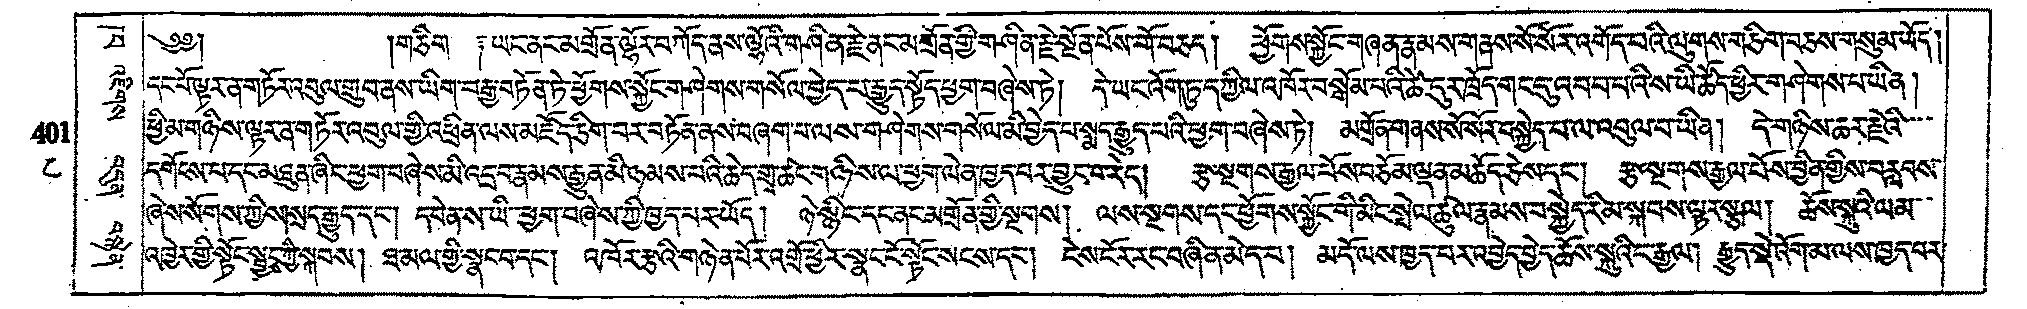༄༅། །གཅིག ༑ཡང་ནང་མགྲོན་ལྷོར་བཀོད་ནས་ལྷོའི་གཤིན་རྗེ་ནང་མགྲོན་གྱི་གཤིན་རྗེ་སྔོན་པོས་གོ་བཅད། ཕྱོགས་སྐྱོང་གཞན་རྣམས་གནས་སོ་སོར་འགོད་པའི་ལུགས་གཅིག་བཅས་གསུམ་ཡོད།
དང་པོ་ལྟར་ན་གཏོར་འབུལ་གྲུབ་ནས་ཡིག་བརྒྱ་བཏོན་ཏེ་ཕྱོགས་སྐྱོང་གཤེགས་གསོལ་བྱེད་པ་རྒྱུད་སྟོད་ཕྱག་བཞེས་ཏེ། དེ་ཡང་འོག་ཏུ་དཀྱིལ་འཁོར་བསྒོམ་པའི་ཚེ་དུར་ཁྲོད་གང་དུ་འབབ་པའི་ས་ཡི་ཚོད་ཕྱིར་གཤེགས་པ་ཡིན།
ཕྱི་མ་གཉིས་ལྟར་ན་གཏོར་འབུལ་གྱི་འཕྲིན་ལས་མཛོད་ཅིག་བར་བཏོན་ནས་བཞག་པ་ལས་གཤེགས་གསོལ་མི་བྱེད་པ་སྨད་རྒྱུད་པའི་ཕྱག་བཞེས་ཏེ། མགྲོན་གནས་སོ་སོར་བསྐྱེད་པ་ལ་འབུལ་པ་ཡིན། དེ་གཉིས་ཆར་རྗེའི་་་
དགོངས་པ་དང་མཐུན་ཞིང་ཕྱག་བཞེས་མི་འདྲ་བ་རྣམས་རྒྱུན་མི་ཉམས་པའི་ཆེད་གྲྭ་ཚང་གཉིས་ལ་ཕྱག་ལེན་ཁྱད་པར་བྱུང་བ་རེད། རྩ་སྔགས་རྒྱལ་པོས་བཅོམ་ལྡན་མཆོད་ཅེས་དང་། རྩ་སྔགས་རྒྱལ་པོས་བྱིན་གྱིས་བརླབས་
ཞེས་སོགས་ཀྱིས། སྲད་རྒྱུད་དང་། དབེན་ས་ཡི་ཕྱག་བཞེས་ཀྱི་ཁྱད་པར་ཡོད། ཉེ་སྙིང་དང་ནང་མགྲོན་གྱི་སྔགས། ལས་སྔགས་དང་ཕྱོགས་སྐྱོང་གི་མིང་སྤེལ་ཚུལ་རྣམས་བསྐྱེད་རིམ་སྐབས་ལྟར་སྩལ། ཆོས་སྐུའི་ལམ་་་
འཁྱེར་གྱི་སྟོང་སྦྱངས་ཀྱི་སྐབས། ཐ་མལ་གྱི་སྣང་བ་དང་། འཁོར་རྩའི་གཉེན་པོར་འགྲོ་ཕྱིར་སྣང་ངོ་སྟོང་སངས་དང་། ངེས་ངོར་རང་བཞིན་མེད་པ། མདོ་ལས་ཁྱད་པར་འབྱེད་བྱེད་ཆོས་སྐུའི་ང་རྒྱལ། རྒྱུད་སྡེ་འོག་མ་ལས་ཁྱད་པར་